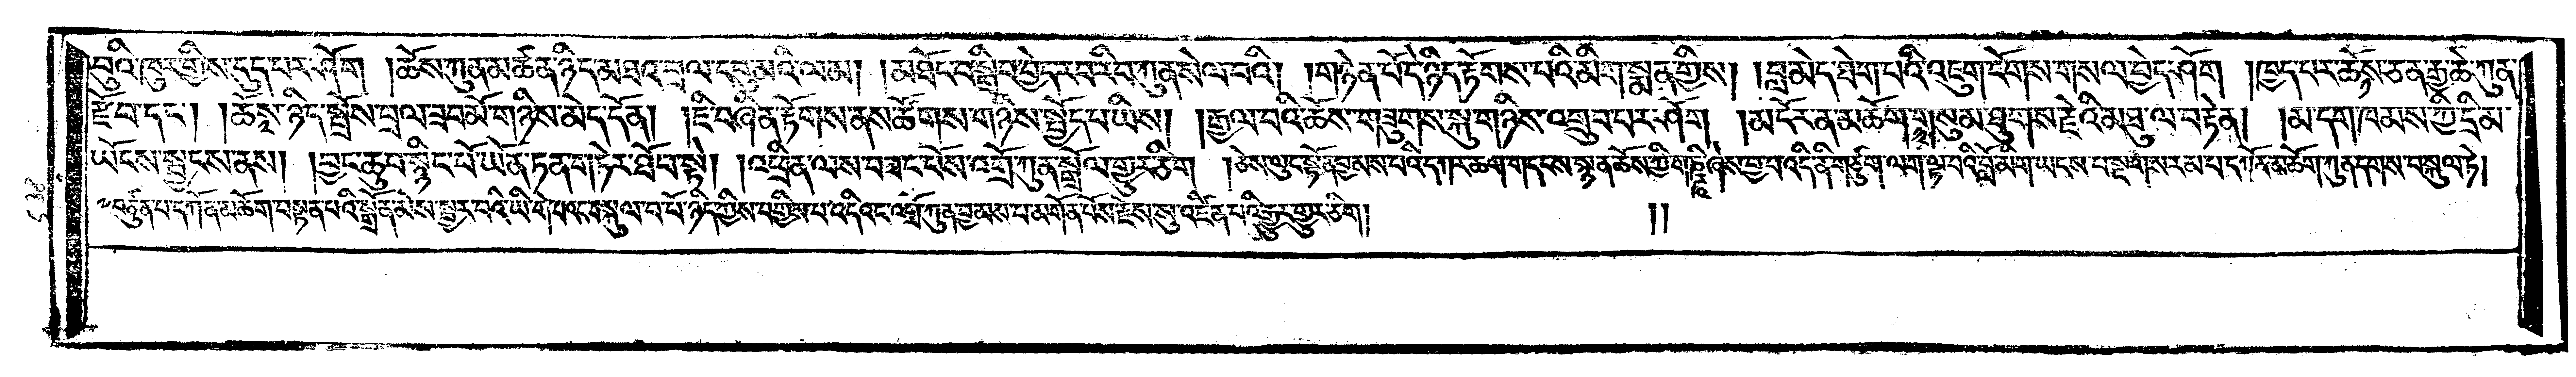བུའི་ཁུར་གྱིས་དུད་པར་ཤོག །ཆོས་ཀུན་མཚན་ཉིད་མཐའ་བྲལ་དབུ་མའི་ལམ། །མཐོང་བསྒྲིབ་བྱེད་རབ་རིབ་ཀུན་སེལ་བའི། །གཉེན་པོ་དེ་ཉིད་རྟོགས་པའི་མིག་སྨན་གྱིས། །བླ་མེད་ཐེག་པའི་འཇུག་ངོགས་གསལ་བྱེད་ཤོག །ཁྱད་པར་ཆོས་ཅན་རྒྱ་ཆེ་ཀུན་
རྫོབ་དང་། །ཚོ་སཱ་ཉིད་སྦྲོས་བྲལ་ཟབ་མོ་གཉིས་མེད་དོན། །ཇི་བཞིན་རྟོགས་ནས་ཚོགས་གཉིས་སྤྱོད་པ་ཡིས། །རྒྱལ་བའི་ཆོས་གཟུགས་སྐུ་གཉིས་འགྲུབ་པར་ཤོག །མངོར་ན་མཆོག་གསུམ་ཐུགས་རྗེའི་མཐུ་ལ་བརྟེན། །མ་དག་ཁམས་ཀྱི་དྲི་མ་
ཡོངས་སྦྱངས་ནས། །བྱང་ཆུབ་སྙིང་པོ་ཡོན་ཏན་གཏེར་ཐོབ་སྟེ། །འཕྲིན་ལས་བཟང་པོས་བགྲོ་ཀུན་སྒྲོལ་གྱུར་ཅིག། །ཅེས་ལུང་སྟོན་བྱམས་བའི་དཀར་ཆག་གདངས་སྙན་ཆོས་ཀྱི་གཎྜཱི་ཞེས་བྱ་བ་འདི་ནི་གཙུག་ལག་ལྟ་བའི་བློ་མིག་ཡངས་པ་སྔགས་རམ་པ་དམན་མཚེར་ཀུན་དགས་བསྐུལ་ཏེ།
༧བཙུན་པ་དཀོན་མཆོག་བསྟན་པའི་སྒྲོན་མེས་སྦྱར་བའི་ཡི་གེ་བ་རང་བསྐུལ་བ་པོ་ཉིད་ཀྱིས་བགྱིས་པ་འདིའང་འགྲོ་ཀུན་བྱམས་པ་མགོན་པོས་རྗེས་སུ་འཛིན་པའི་རྒྱུད་གྱུར་ཅིག། །།